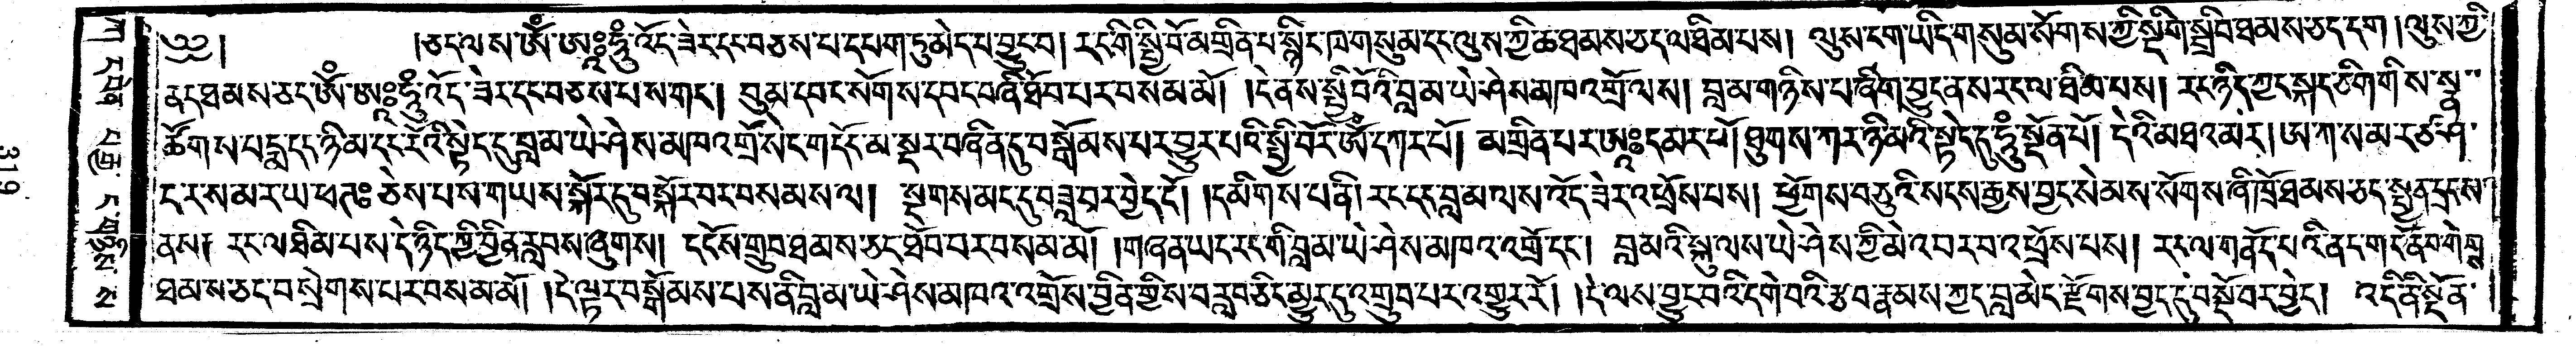༄༅། །ཅད་ལས་ཨོཾ་ཨཱཿ ཧཱུཾ་འོད་ཟེར་དང་བཅས་པ་དཔག་ཏུ་མེད་པ་བྱུང་བ། རང་གི་སྤྱི་བོ་མགྲིན་པ་སྙིང་ཁ་གསུམ་དང་ལུས་ཀྱི་ཆ་ཐམས་ཅད་ལ་ཐིམ་པས། ལུས་ངག་ཡིད་གསུམ་སོགས་ཀྱི་སྡིག་སྒྲིབ་ཐམས་ཅད་དག །ལུས་ཀྱི་
ནད་ཐམས་ཅད་ཨོཾ་ཨཱཿ ཧཱུཾ་འོད་ཟེར་དང་བཅས་པས་གང་། བུམ་དབང་སོགས་དབང་བཞི་ཐོབ་པར་བསམ་མོ། །དེ་ནས་སྤྱི་བོའི་བླ་མ་ཡེ་ཤེས་མཁའ་འགྲོ་ལས། བླ་མ་གཉིས་པ་ཞིག་བྱུང་ནས་རང་ལ་ཐིམ་པས། རང་ཉིད་ཀྱང་སྐད་ཅིག་གིས་སྣ་
ཚོགས་པདམ་དང་ཉི་མ་དང་རོའི་སྟེང་དུ་བླ་མ་ཡེ་ཤེས་མཁའ་འགྲོ་སེང་གདོང་མ་སྔར་བཞིན་དུ་བསྒོམས་པར་བྱུར་པའི་སྤྱི་བོར་ཨོཾ་དཀར་པོ། མགྲིན་པར་ཨཱཿ དམར་པོ། ཐུགས་ཀར་ཉི་མའི་སྟེང་དུ་ཧཱུཾ་སྔོན་པོ། དེའི་མཐའ་མར། ཨ་ཀ་ས་མ་ར་ཙ་ཤ་
ང་ར་ས་མ་ར་ཡ་ཕཊཿ ཅེས་པས་གཡས་སྐོར་དུ་བསྐོར་བར་བསམས་ལ། སྔགས་མང་དུ་བཟླ་བར་བྱེད་དོ། །དམིགས་པ་ནི། རང་དང་བླ་མ་ལས་འོད་ཟེར་འཕྲོས་པས། ཕྱོགས་བཅུའི་སངས་རྒྱས་བྱང་སེམས་སོགས་ཞི་ཁྲོ་ཐམས་ཅད་སྤྱན་དྲངས་
ནས༑ རང་ལ་ཐིམ་པས་དེ་ཉིད་ཀྱི་བྱིན་རླབས་ཞུགས། དངོས་གྲུབ་ཐམས་ཅད་ཐོབ་བར་བསམ་མོ། །གཞན་ཡང་རང་གི་བླ་མ་ཡེ་ཤེས་མཁའ་འགྲོ་དང་། བླ་མའི་སྐུ་ལས་ཡེ་ཤེས་ཀྱི་མེ་འབར་བ་འཕྲོས་པས། རང་ལ་གནོད་པའི་ནང་གདོན་བ་གེགས་
ཐམས་ཅད་བསྲེགས་པར་བསམ་མོ། །དེ་ལྟར་བསྒོམས་པས་ནི་བླ་མ་ཡེ་ཤེས་མཁའ་འགྲོས་བྱིན་གྱིས་བརླབ་ཅིང་མྱུར་དུ་འགྲུབ་པར་འགྱུར་རོ། །དེ་ལས་བྱུང་བའི་དགེ་བའི་རྩ་བ་རྣམས་ཀྱང་བླ་མེད་རྫོགས་བྱང་དུ་བསྔོ་བར་བྱེད། འདི་ནི་སྔོན་